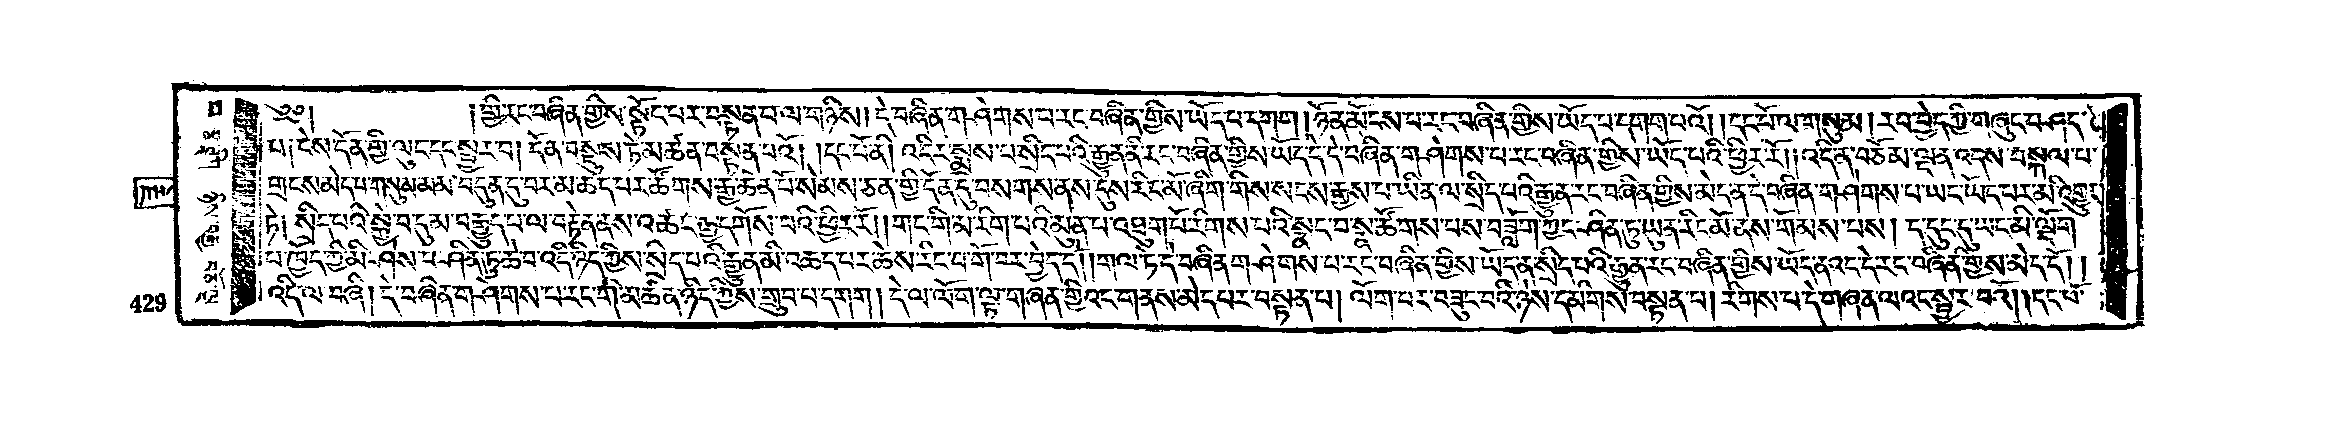༄༅། །གྱི་རང་བཞིན་གྱིས་སྟོང་པར་བསྟན་པ་ལ་གཉིས། དེ་བཞིན་གཤེགས་པ་རང་བཞིན་གྱིས་ཡོད་པ་དགག། ཉོན་མོངས་པ་རང་བཞིན་གྱིས་ཡོད་པ་དགག་པའོ། །དང་པོ་ལ་གསུམ། རབ་བྱེད་ཀྱི་གཞུང་བཤད་
པ༑ ངེས་དོན་གྱི་ལུང་དང་སྦྱར་བ། དོན་བསྡུས་ཏེ་མཚན་བསྟན་པའོ། །དང་པོ་ནི། འདིར་སྨྲས་པ་སྲིད་པའི་རྒྱུན་ནི་རང་བཞིན་གྱིས་ཡོད་དེ་བཞིན་གཤེགས་པ་རང་བཞིན་གྱིས་ཡོད་པའི་ཕྱིར་རོ། །འདི་ན་བཅོམ་ལྡན་འདས་བསྐལ་པ་
གྲངས་མེད་པ་གསུམ་མམ་བདུན་དུ་བར་མ་ཆད་པར་ཚོགས་རྒྱ་ཆེན་པོ་སེམས་ཅན་གྱི་དོན་དུ་བསགས་ནས་དུས་རིང་མོ་ཞིག་གིས་སངས་རྒྱས་པ་ཡིན་ལ་སྲིད་པའི་རྒྱུན་རང་བཞིན་གྱིས་མེད་ན་དེ་བཞིན་གཤེགས་པ་ཡང་ཡོད་པར་མི་འགྱུར་
ཏེ༑ སྲིད་པའི་སྐྱེ་བ་དུ་མ་བརྒྱུད་པ་ལ་བརྟེན་ནས་འཚང་རྒྱ་དགོས་པའི་ཕྱིར་རོ། །གང་གི་མ་རིག་པའི་མུན་པ་འཐུག་པོ་རིགས་པའི་སྣང་བ་སྣ་ཚོགས་པས་བཟློག་ཀྱང་ཤིན་ཏུ་ཡུན་རིང་མོ་ནས་གོམས་པས། ད་དུང་དུ་ཡང་མི་ལྡོག་
པ་ཁྱོད་ཀྱི་མི་ཤེས་པ་ཤིན་ཏུ་ཆེ་བ་འདི་ཉིད་ཀྱིས་སྲིད་པའི་རྒྱུན་མི་འཆད་པར་ཆེས་རིང་བ་གོ་བར་བྱེད་དོ། །གལ་ཏེ་དེ་བཞིན་གཤེགས་པ་རང་བཞིན་གྱིས་ཡོད་ན་སྲིད་པའི་རྒྱུན་རང་བཞིན་གྱིས་ཡོད་ནའང་དེ་རང་བཞིན་གྱིས་མེད་དོ། །
འདི་ལ་བཞི། དེ་བཞིན་གཤེགས་པ་རང་གི་མཚན་ཉིད་ཀྱིས་གྲུབ་པ་དགག། དེ་ལ་ལོག་ལྟ་གཞན་གྱིའང་གནས་མེད་པར་བསྟན་པ། ལོག་བར་བཟུང་བའི་ཉེས་དམིགས་བསྟན་པ། རིགས་པ་དེ་གཞན་ལའང་སྦྱར་བའོ། །དང་པོ་